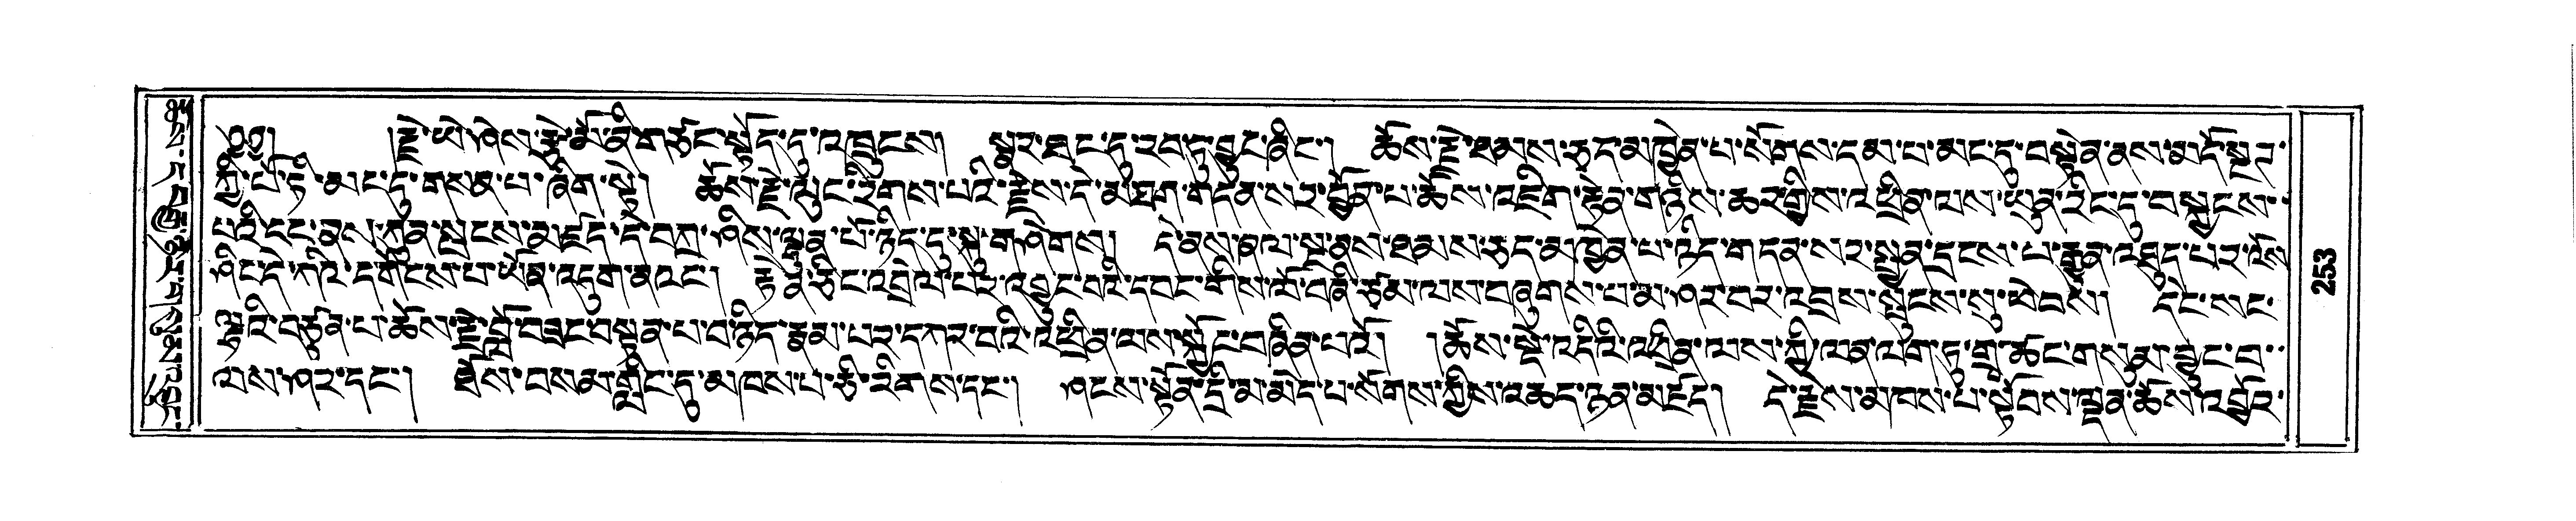༄༅། །རྗེ་ཡེ་ཤེས་རྩེ་མོ་ནི་གཙང་སྟོད་དུ་འཁྲུངས། སྣར་ཐང་དུ་རབ་ཏུ་བྱུང་ཞིང་། ཆོས་རྗེ་ཐམས་ཅད་མཁྱེན་པ་སོགས་དམ་པ་མང་དུ་བསྟེན་ནས་མདོ་སྔཌ་
ཀྱི་པོ་ཏི་མང་དུ་གསན་པ་ཞིག་སྟེ། ཆོས་རྗེ་ལུང་རིགས་པའི་རྗེས་དེ་མཐག་གདན་སར་བྱོན་པ་ཆོས་འཇིག་རྟེན་གཉིས་ཆར་གྱིས་འཕྲིན་ལས་ཡུན་རིང་དུ་བསྐྱངས་
པའི་དང་ནས་ཀུན་སྤངས་མཛད་དེ་བཀྲ་ཤིས་ལྷུན་པོ་ཉིད་དུ་སྐུ་གཤེགས། དེ་ནས་ཞལ་སྔ་ནས་ཐམས་ཅད་མཁྱེན་པ་ཉིད་གདང་སར་སྤྱན་དྲངས་པ་རྒྱུན་འཐུད་པར་འོས་
ཤིང་དེ་ཀའི་དགོངས་པ་ཡོན་འདུག་ནའང་། རྟེན་ཅིང་འབྲེལ་པར་འབྱུང་བའི་དབང་གིས་ལོ་བཞི་ཙམ་ལས་བཞུགས་པ་མ་ཤར་བར་འབྲས་སྤུངས་སུ་ཕེབས། དང་སང་
ལྷའི་བཙུན་པོ་ཆོས་རྗེ་བློ་བཟང་བསྟན་པ་བ་ཉིད་རྣམ་པར་དཀར་བའི་འཕྲིན་ལས་སྐྱོང་བཞིན་པའོ། །ཆོས་སྡེ་འདིའི་འཕྲིན་ལས་ཀྱི་ལན་ལག་ཏུ་གྲྭ་ཚང་གསུམ་བྱུང་བ་
ལས་ཤར་དང་། ཐོས་བསམ་གླིང་དུ་མཁས་པ་ཅི་རིགས་དང་། ཤངས་སྟོན་དྲི་མ་མེད་པ་སོགས་ཀྱི་འཆད་ཉན་མཛད། དེ་རྗེས་མཁས་པ་སྟོབས་ལྡན་ཆོས་འབྱོར་